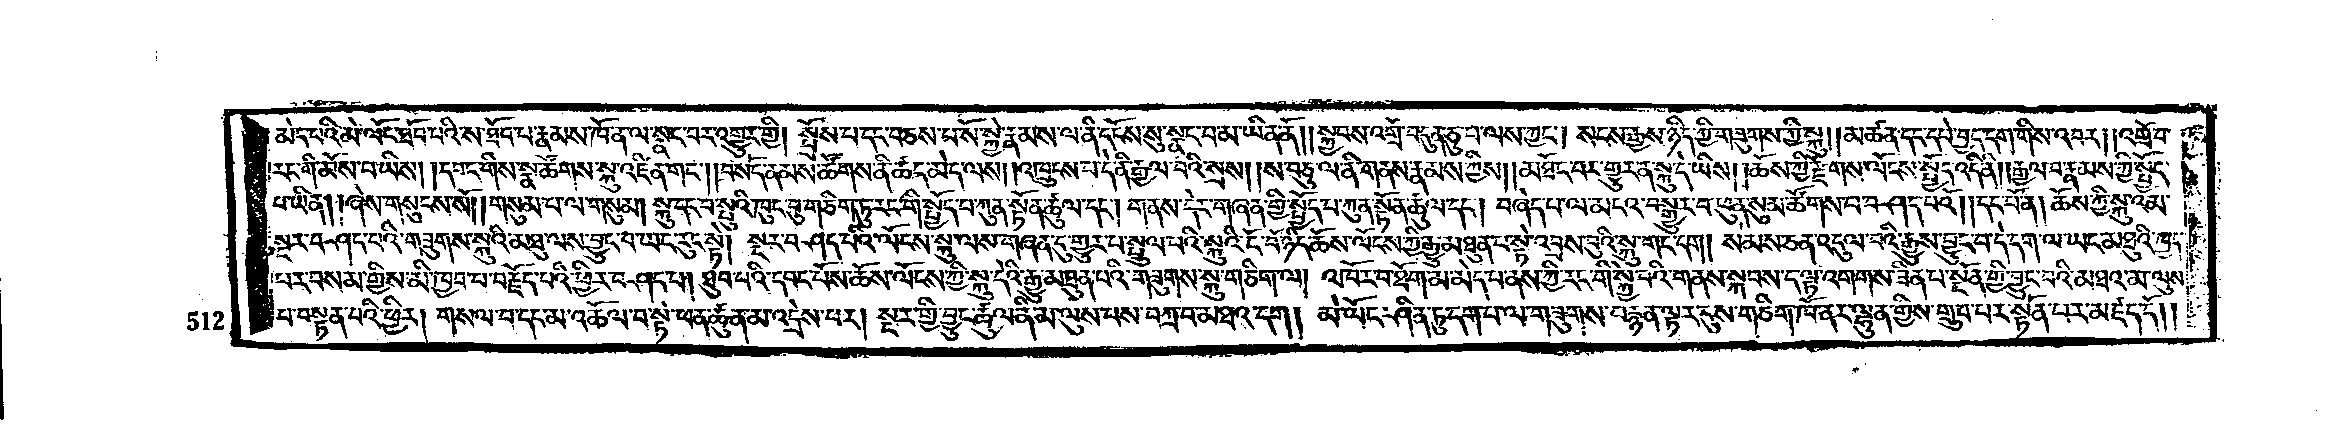མེད་པའི་མེ་ལོང་ཐོབ་པའི་ས་ཐོབ་པ་རྣམས་ཁོ་ན་ལ་སྣང་བར་འགྱུར་གྱི། སྤྲོས་པ་དང་བཅས་པ་སོ་སྐྱེ་རྣམས་ལ་ནི་དངོས་སུ་སྣང་བ་མ་ཡིན་ནོ། །སྐྱབས་འགྲོ་བདུན་ཅུ་པ་ལས་ཀྱང་། སངས་རྒྱས་ཉིད་ཀྱི་གཟུགས་ཀྱི་སྐུ། །མཚན་དང་དཔེ་བྱད་དག་གིས་འབར། །འགྲོ་བ་
རང་གི་མོས་པ་ཡིས། །དབང་གིས་སྣ་ཚོགས་སྐུ་འཛིན་གང་། །བསོད་ནམས་ཚོགས་ནི་ཚད་མེད་ལས། །འཁྲུངས་པ་དེ་ནི་རྒྱལ་བའི་སྲས། །ས་བཅུ་ལ་ནི་གནས་རྣམས་ཀྱིས། །མཐོང་བར་གྱུར་ན་སྐུ་དེ་ཡིས། །ཆོས་ཀྱི་རྫོགས་ལོངས་སྤྱོད་འདི་ནི། །རྒྱལ་བ་རྣམས་ཀྱི་སྤྱོད་
པ་ཡིན། །ཞེས་གསུངས་སོ། །གསུམ་པ་ལ་གསུམ། སྐུ་དང་བ་སྤུའི་ཁུང་བུ་གཅིག་ཏུ་རང་གི་སྤྱོད་པ་ཀུན་སྟོན་ཚུལ་དང་། གནས་དེར་གཞན་གྱི་སྤྱོད་པ་ཀུན་སྟོན་ཚུལ་དང་། བཞེད་པ་ལ་མངའ་བསྒྱུར་བ་ཕུན་སུམ་ཚོགས་པ་བཤད་པའོ། །དང་པོ་ན། ཆོས་ཀྱི་སྐུ་འམ་
སྔར་བཤད་པའི་གཟུགས་སྐུའི་མཐུ་ལས་བྱུང་བ་ཡང་རུང་སྟེ། སྔར་བཤད་པའི་ལོངས་སྐུ་ལས་གཞན་དུ་གྱུར་པ་སྤྲུལ་པའི་སྐུའི་ངོ་བོ་ཉིད་ཆོས་ལོངས་ཀྱི་རྒྱུ་མཐུན་པ་སྟེ་འབྲས་བུའི་སྐུ་གང་དག །སེམས་ཅན་འདུལ་བའི་རྒྱུས་བྱུང་བ་དེ་དག་ལ་ཡང་མཐུའི་ཁྱད་
པར་བསམ་གྱིས་མི་ཁྱབ་པ་བརྗོད་པའི་ཕྱིར་བཤད་པ། ཐུབ་པའི་དབང་པོས་ཆོས་ལོངས་ཀྱི་སྐུ་དེའི་རྒྱུ་མཐུན་པའི་གཟུགས་སྐུ་གཅིག་ལ། འཁོར་བ་ཐོག་མ་མེད་པ་ནས་ཀྱི་རང་གི་སྐྱེ་བའི་གནས་སྐབས་ད་ལྟ་འགགས་ཟིན་པ་སྔོན་གྱི་བྱུང་བའི་མཐའ་མ་ལུས་
པ་བསྟན་པའི་ཕྱིར། གསལ་བ་དང་མ་འཆོལ་བ་སྟེ་ཕན་ཚུན་མ་དྲེས་པར། སྔར་གྱི་བྱུང་ཚུལ་ནི་མ་ལུས་པས་བཀྲ་བ་མཐའ་དག །མེ་ལོང་ཤིན་ཏུ་དག་པ་ལ་གཟུགས་བརྙན་ལྟར་དུས་གཅིག་ཁོ་ནར་ལྷུན་གྱིས་གྲུབ་པར་སྟོན་པར་མཛད་དོ། །